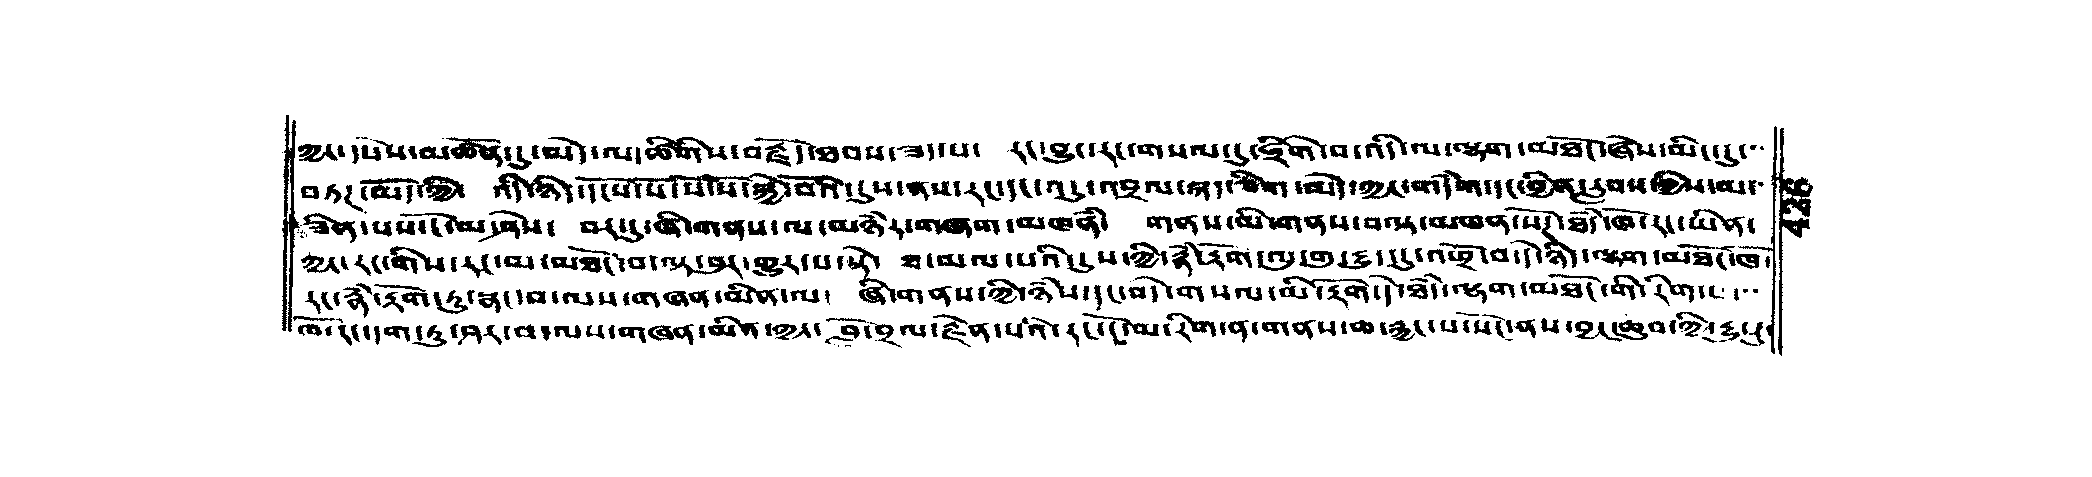ཀྱང་དཔེས་མཚོན་དུ་མེད་ལ་ཚིག་གིས་བརྗོད་ཐབས་ཟད་པ། རང་བྱུང་རང་གསལ་དུ་ཧྲིག་གེ་བ་འདི་ལ་ལྷག་མཐོང་ཞེས་མིང་དུ་
བཏགས་མོད་ཀྱི། འདི་ཉིད་དང་པོ་སོ་སོ་སྐྱེ་བོའི་དུས་ནས་རང་དང་འདུ་འབྲལ་སྐད་ཅིག་ཙམ་མེད་ཀྱང་གདམས་ངག་དང་བྱིན་རླབས་ཀྱིས་མ་
ཟིན་པས་ངོ་མ་ཤེས། བར་དུ་ཞི་གནས་ལ་མཉམ་པར་གཞག་མཁན་ནམ། གནས་མི་གནས་བལྟ་མཁན་སོགས་ཐམས་ཅད་ཁོ་རང་ཡིན་
ཀྱང་རང་གིས་རང་མ་མཐོང་བ་ལྟ་བུར་གྱུར་པ་སྟེ། ཐ་མལ་པའི་དུས་ཀྱི་རྣམ་རྟོག་ལུ་གུ་རྒྱུད་དུ་འཕྲོ་བ་དེ་ཉིད་ལྷག་མཐོང་ཁོ་
རང་རྣམ་རྟོག་ཏུ་སྣང་བ་ལས་གཞན་མིན་ལ། ཞི་གནས་ཀྱི་ཉམས་དང་བདེ་གསལ་མི་རྟོག་དེ་ཐམས་ཅད་ལྷག་མཐོང་གི་རིག་པ་
ཁོ་རང་དག་ཏུ་ཤར་བ་ལས་གཞན་མིན་ཡང་། བློ་བྲལ་རྗེན་པའི་རང་ངོ་མ་རིག་ན་གནས་ཆ་རྐྱང་པས་སོང་ནས་བྱང་ཆུབ་ཀྱི་རྒྱུ་རུ་